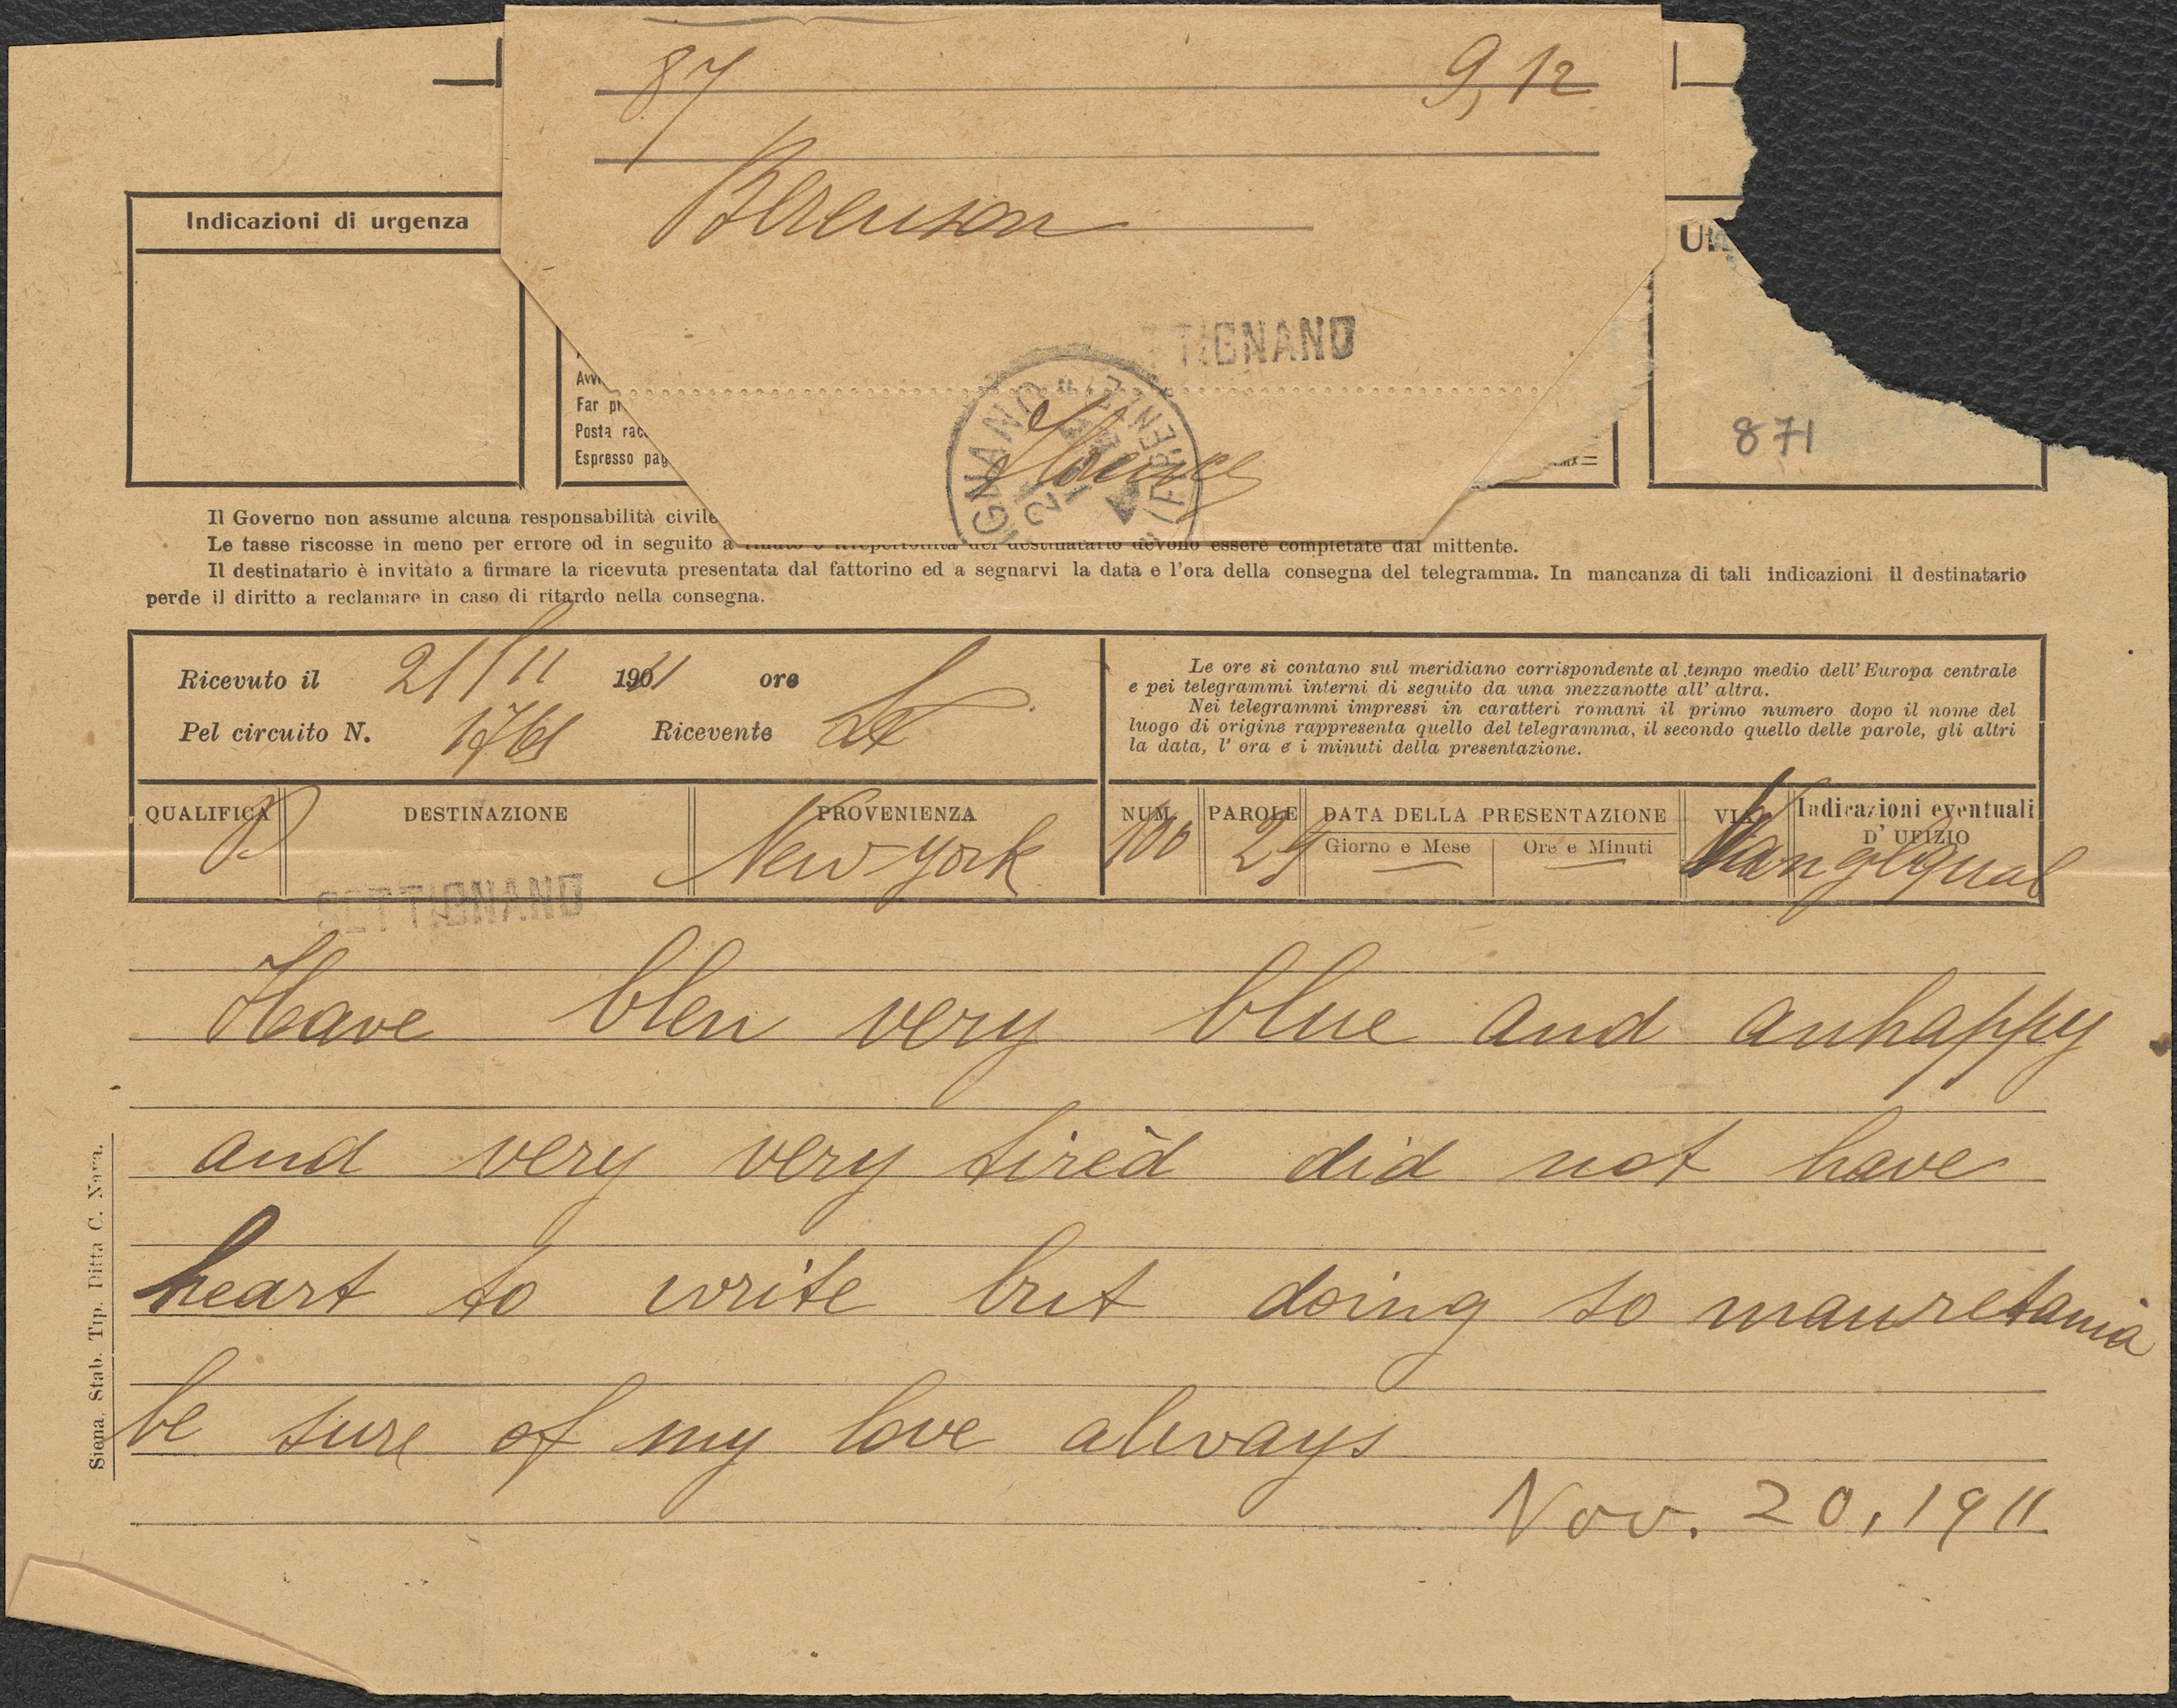Have been very blue and unhappy and very very tired did not have heart to write but doing so mauretania be sure of my love always